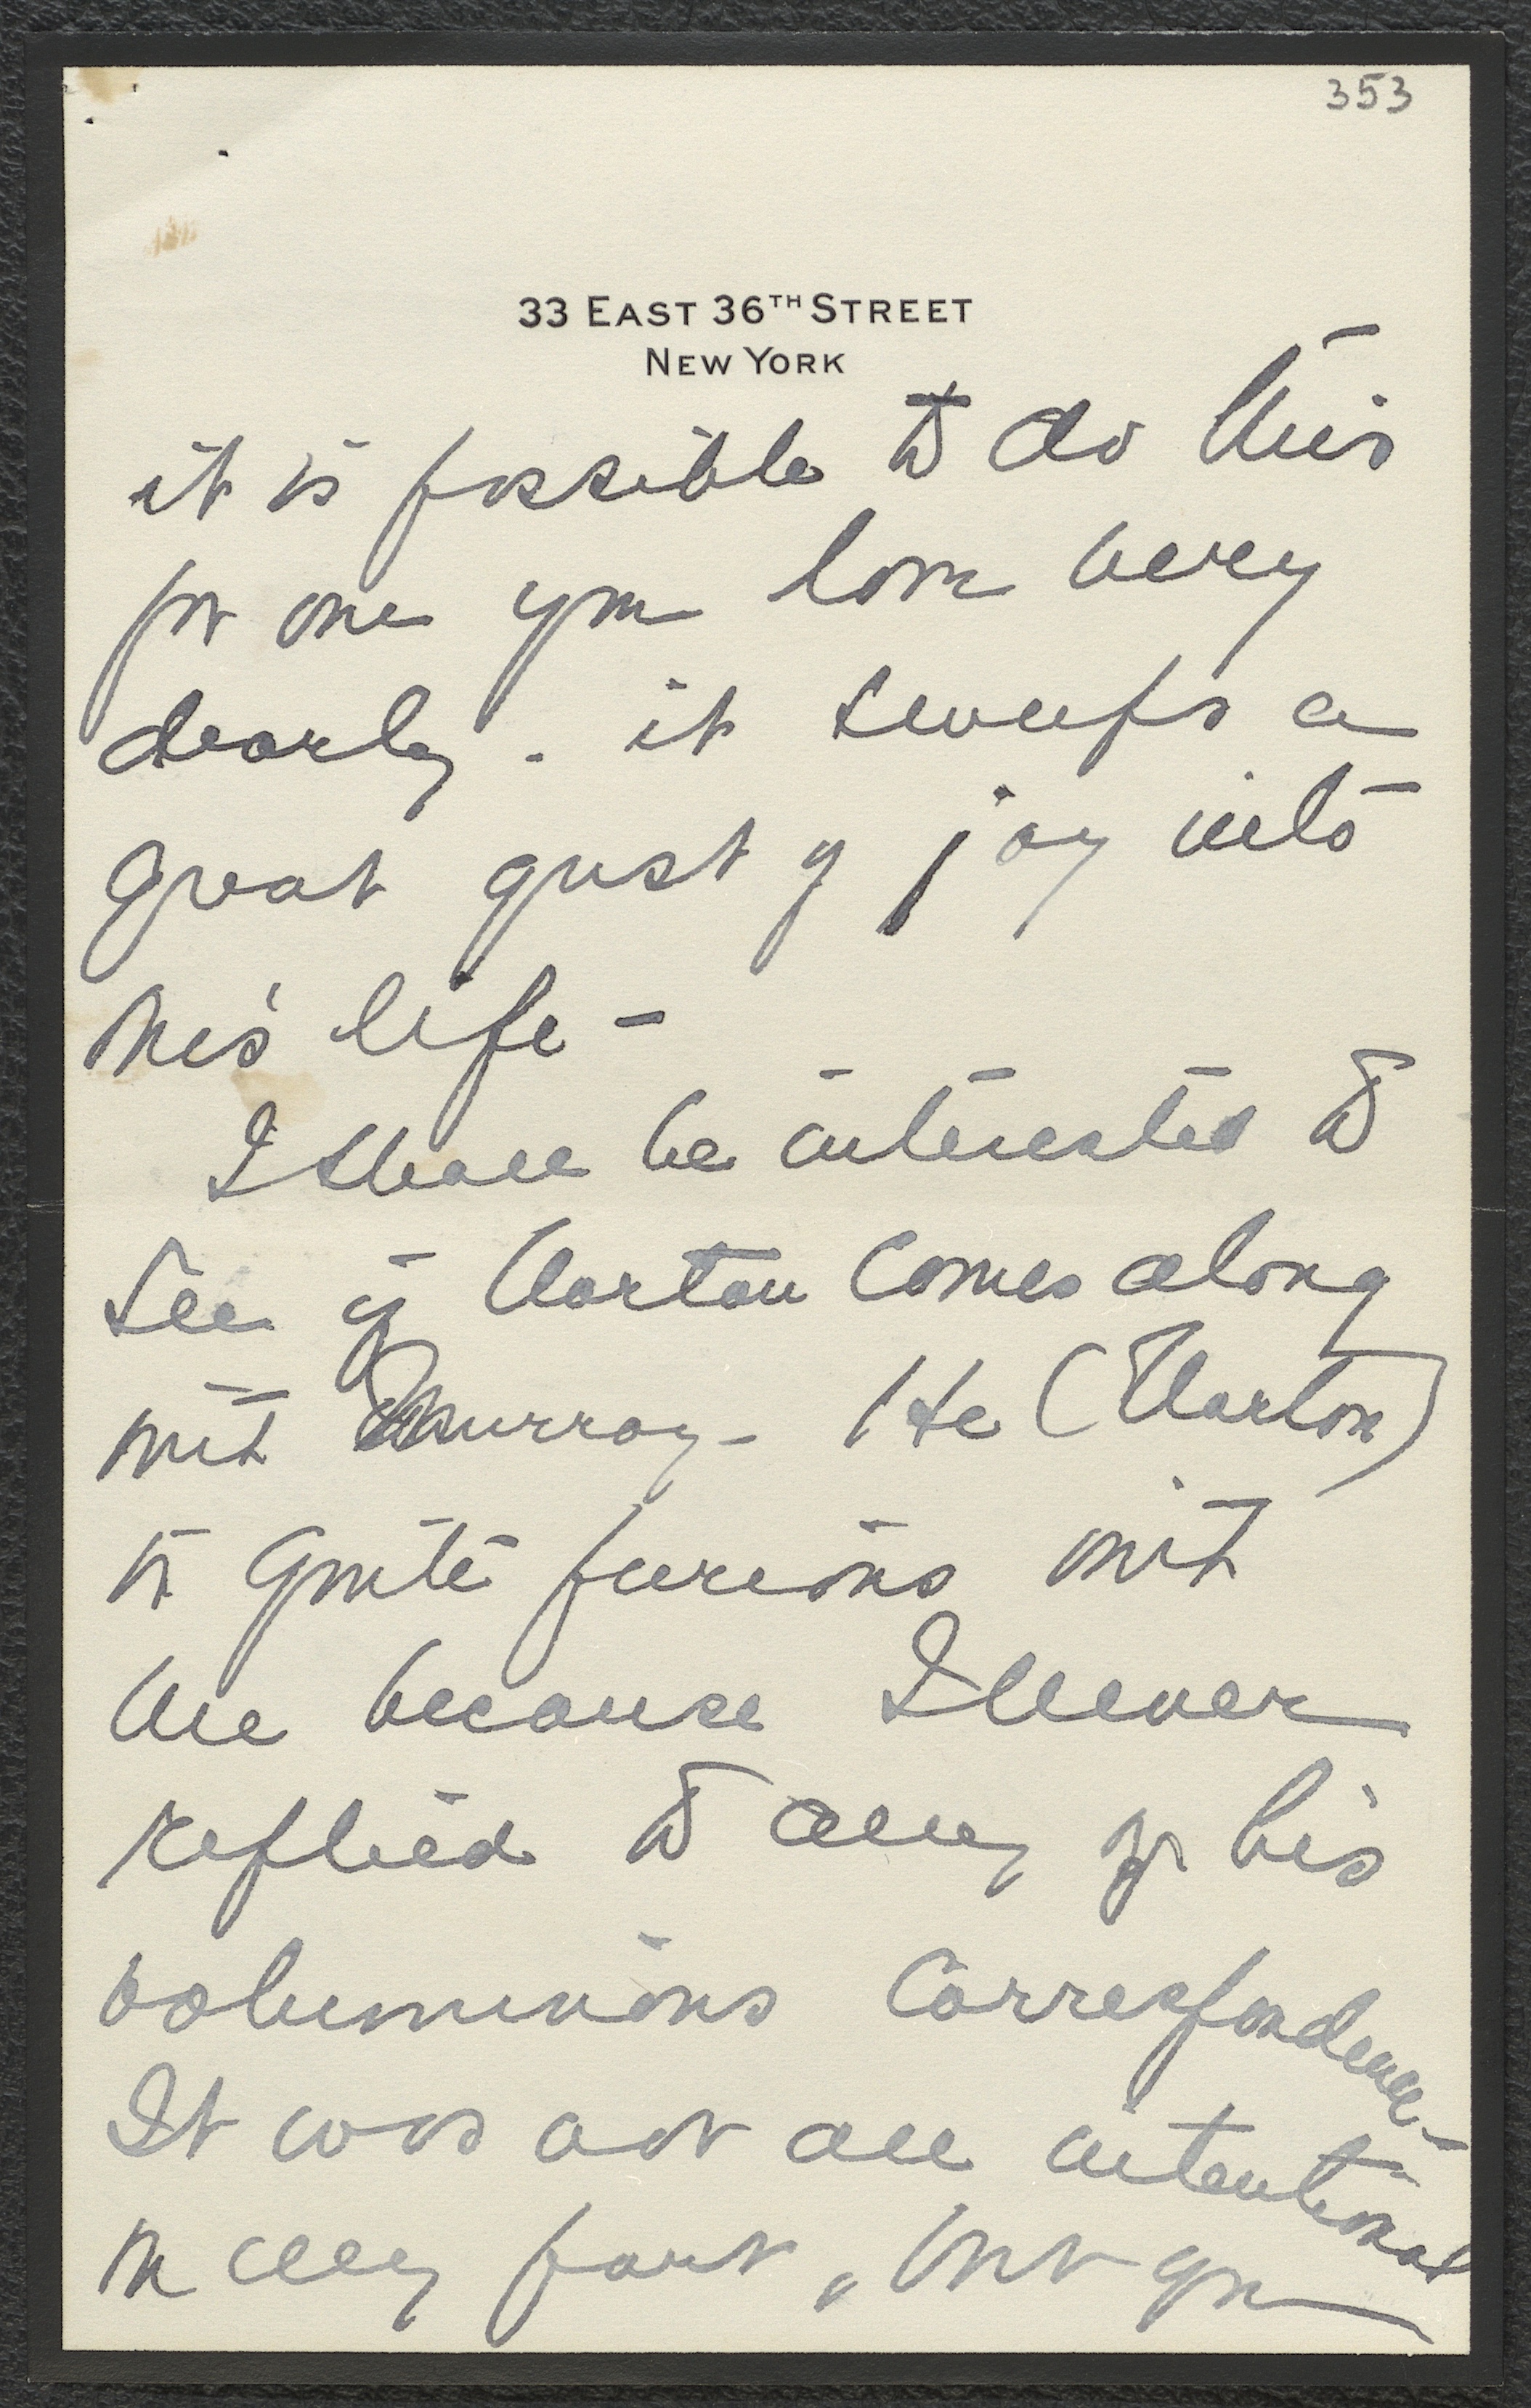it is possible to do this for one you love very dearly – it sweeps a great gust of joy into one’s life –
I shall be interested to see if Morton comes along with Murray – He (Morton) is quite furious with me because I never replied to any of his voluminous correspondence – It was not all intentional on my part, but you